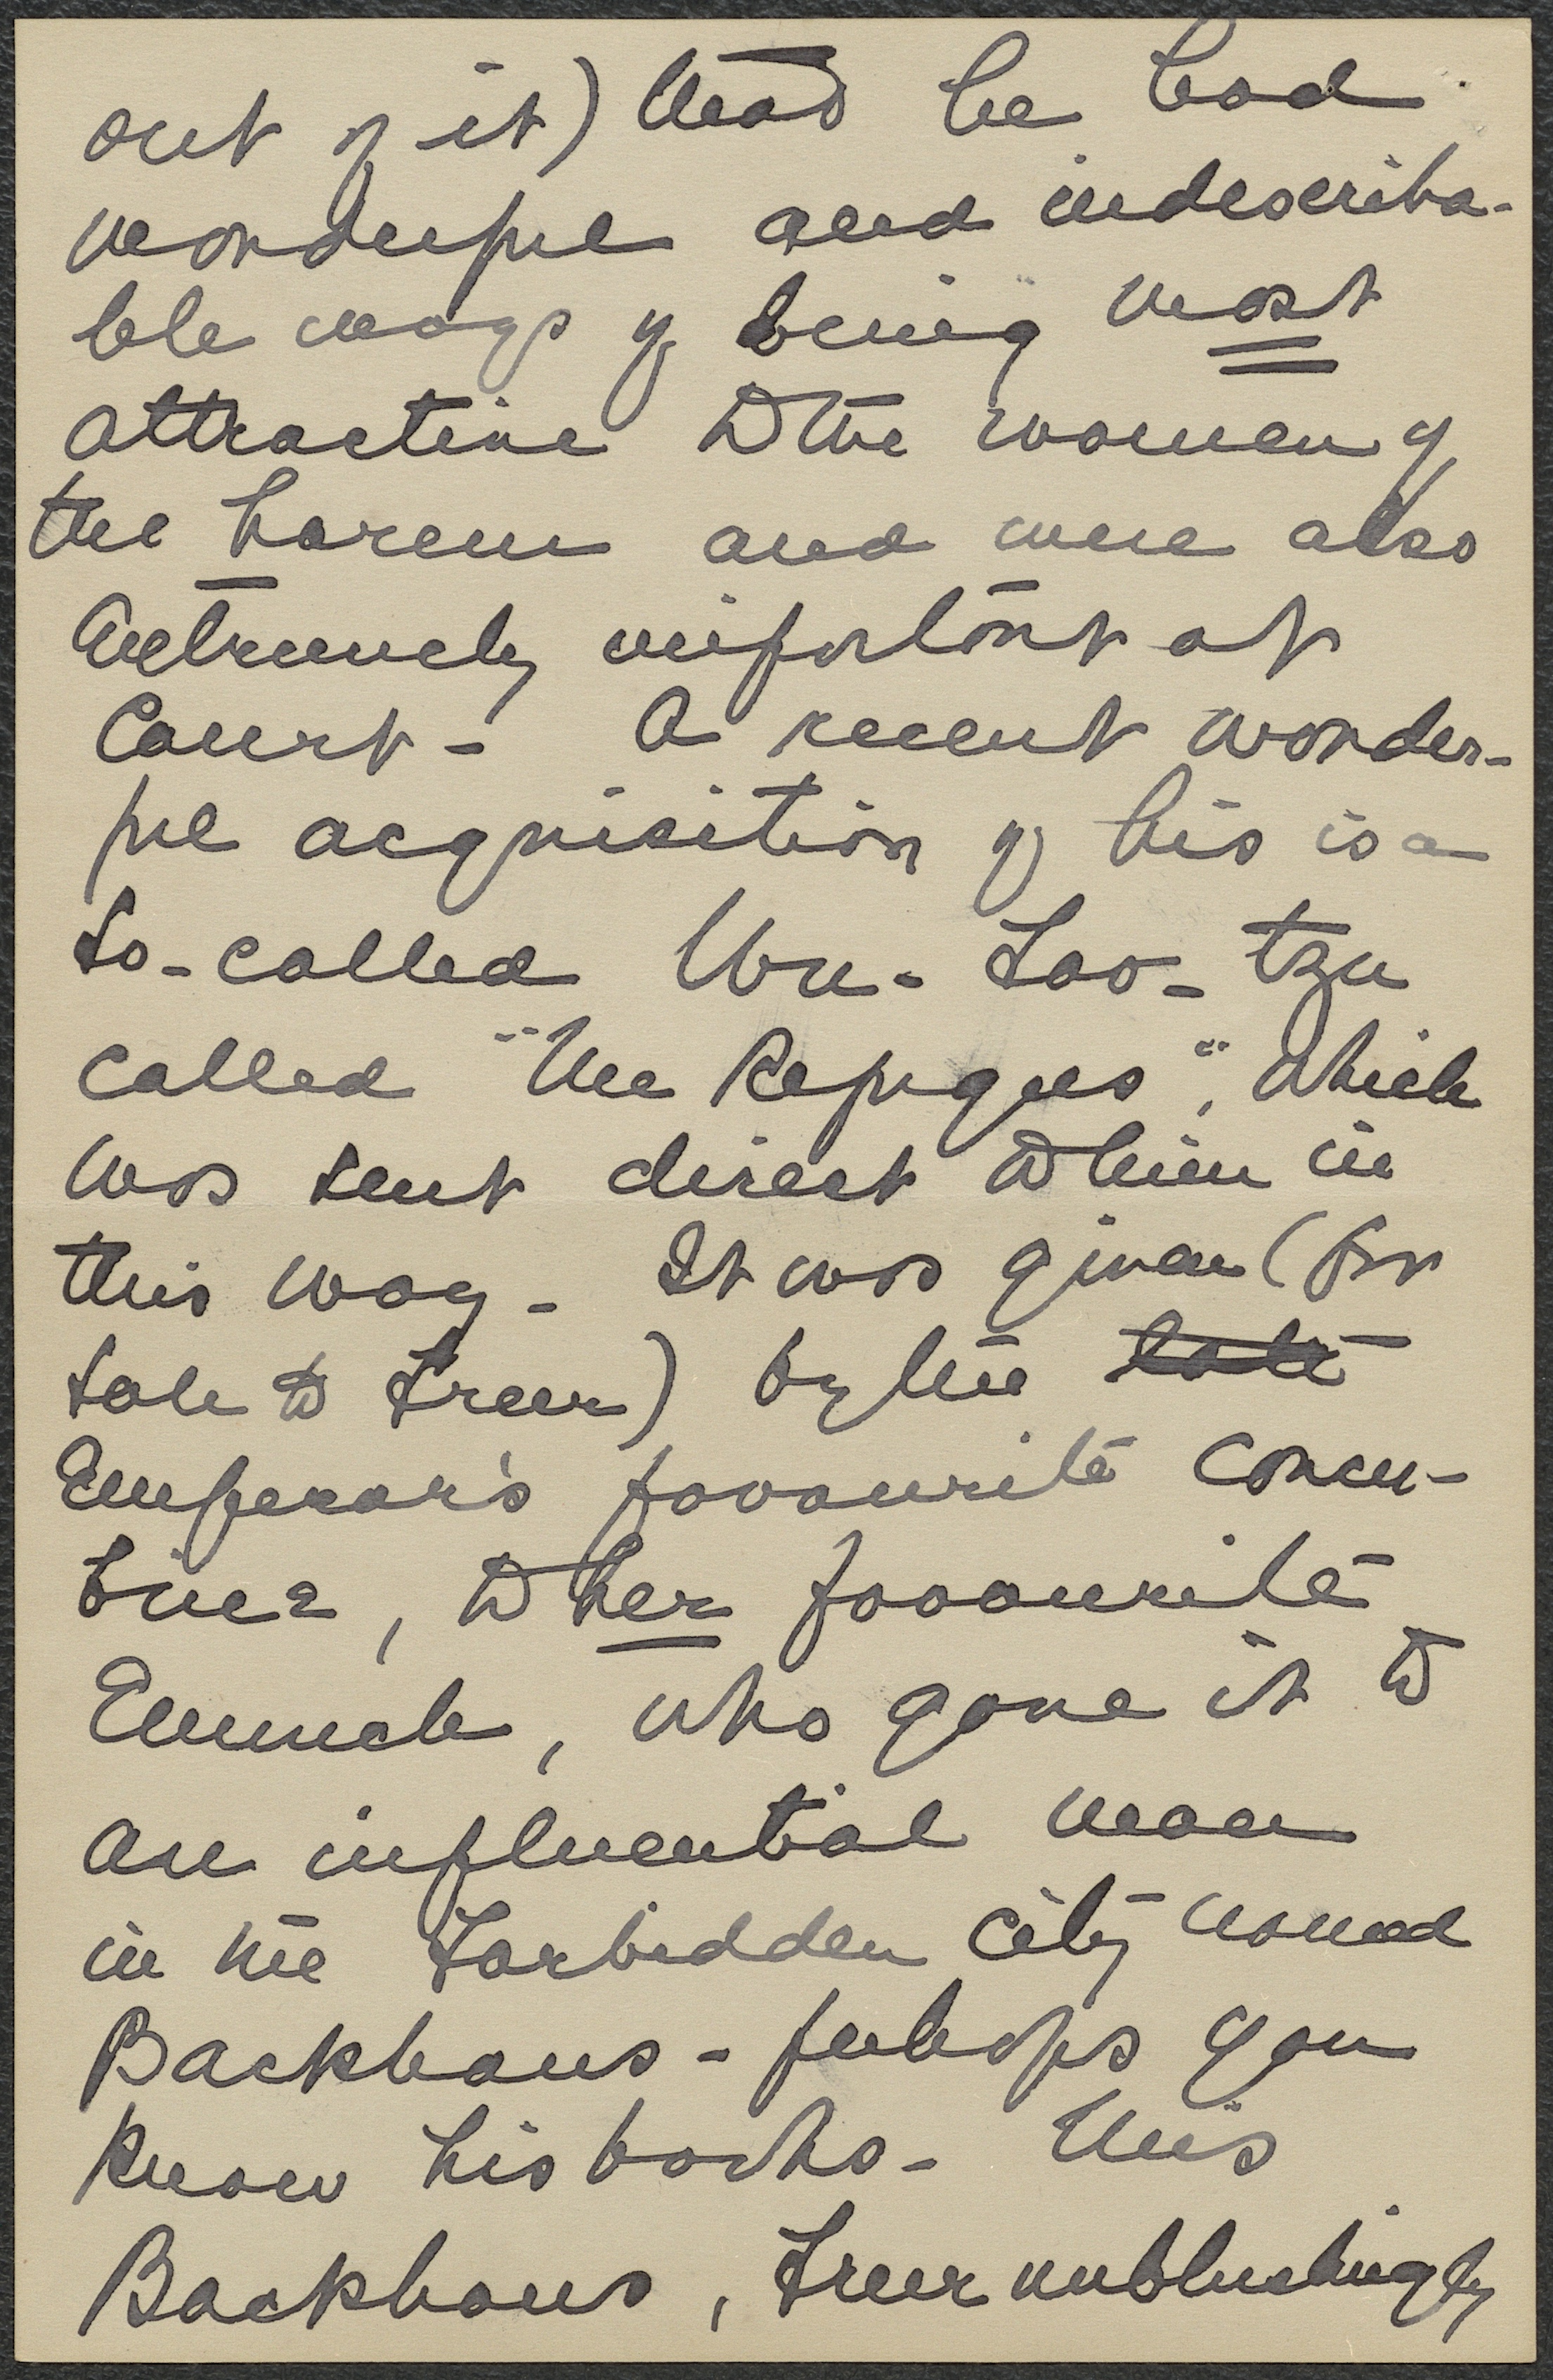out [sic] of it) that he had wonderful and indescribable ways of being [double underlined: most] attractive to the women of the harem and were also extremely important at court – A recent wonderful acquisition of his is a so-called Wu-Tao-tzu called “The Refugees”, which was sent direct to him in this way – It was given (for sale to Freer) by the late Emperor’s favorite concubine, to her favourite eunuch, who gave it to an influential man in the Forbidden City named Backhaus – perhaps you know his books – This Backhaus, Freer unblushingly